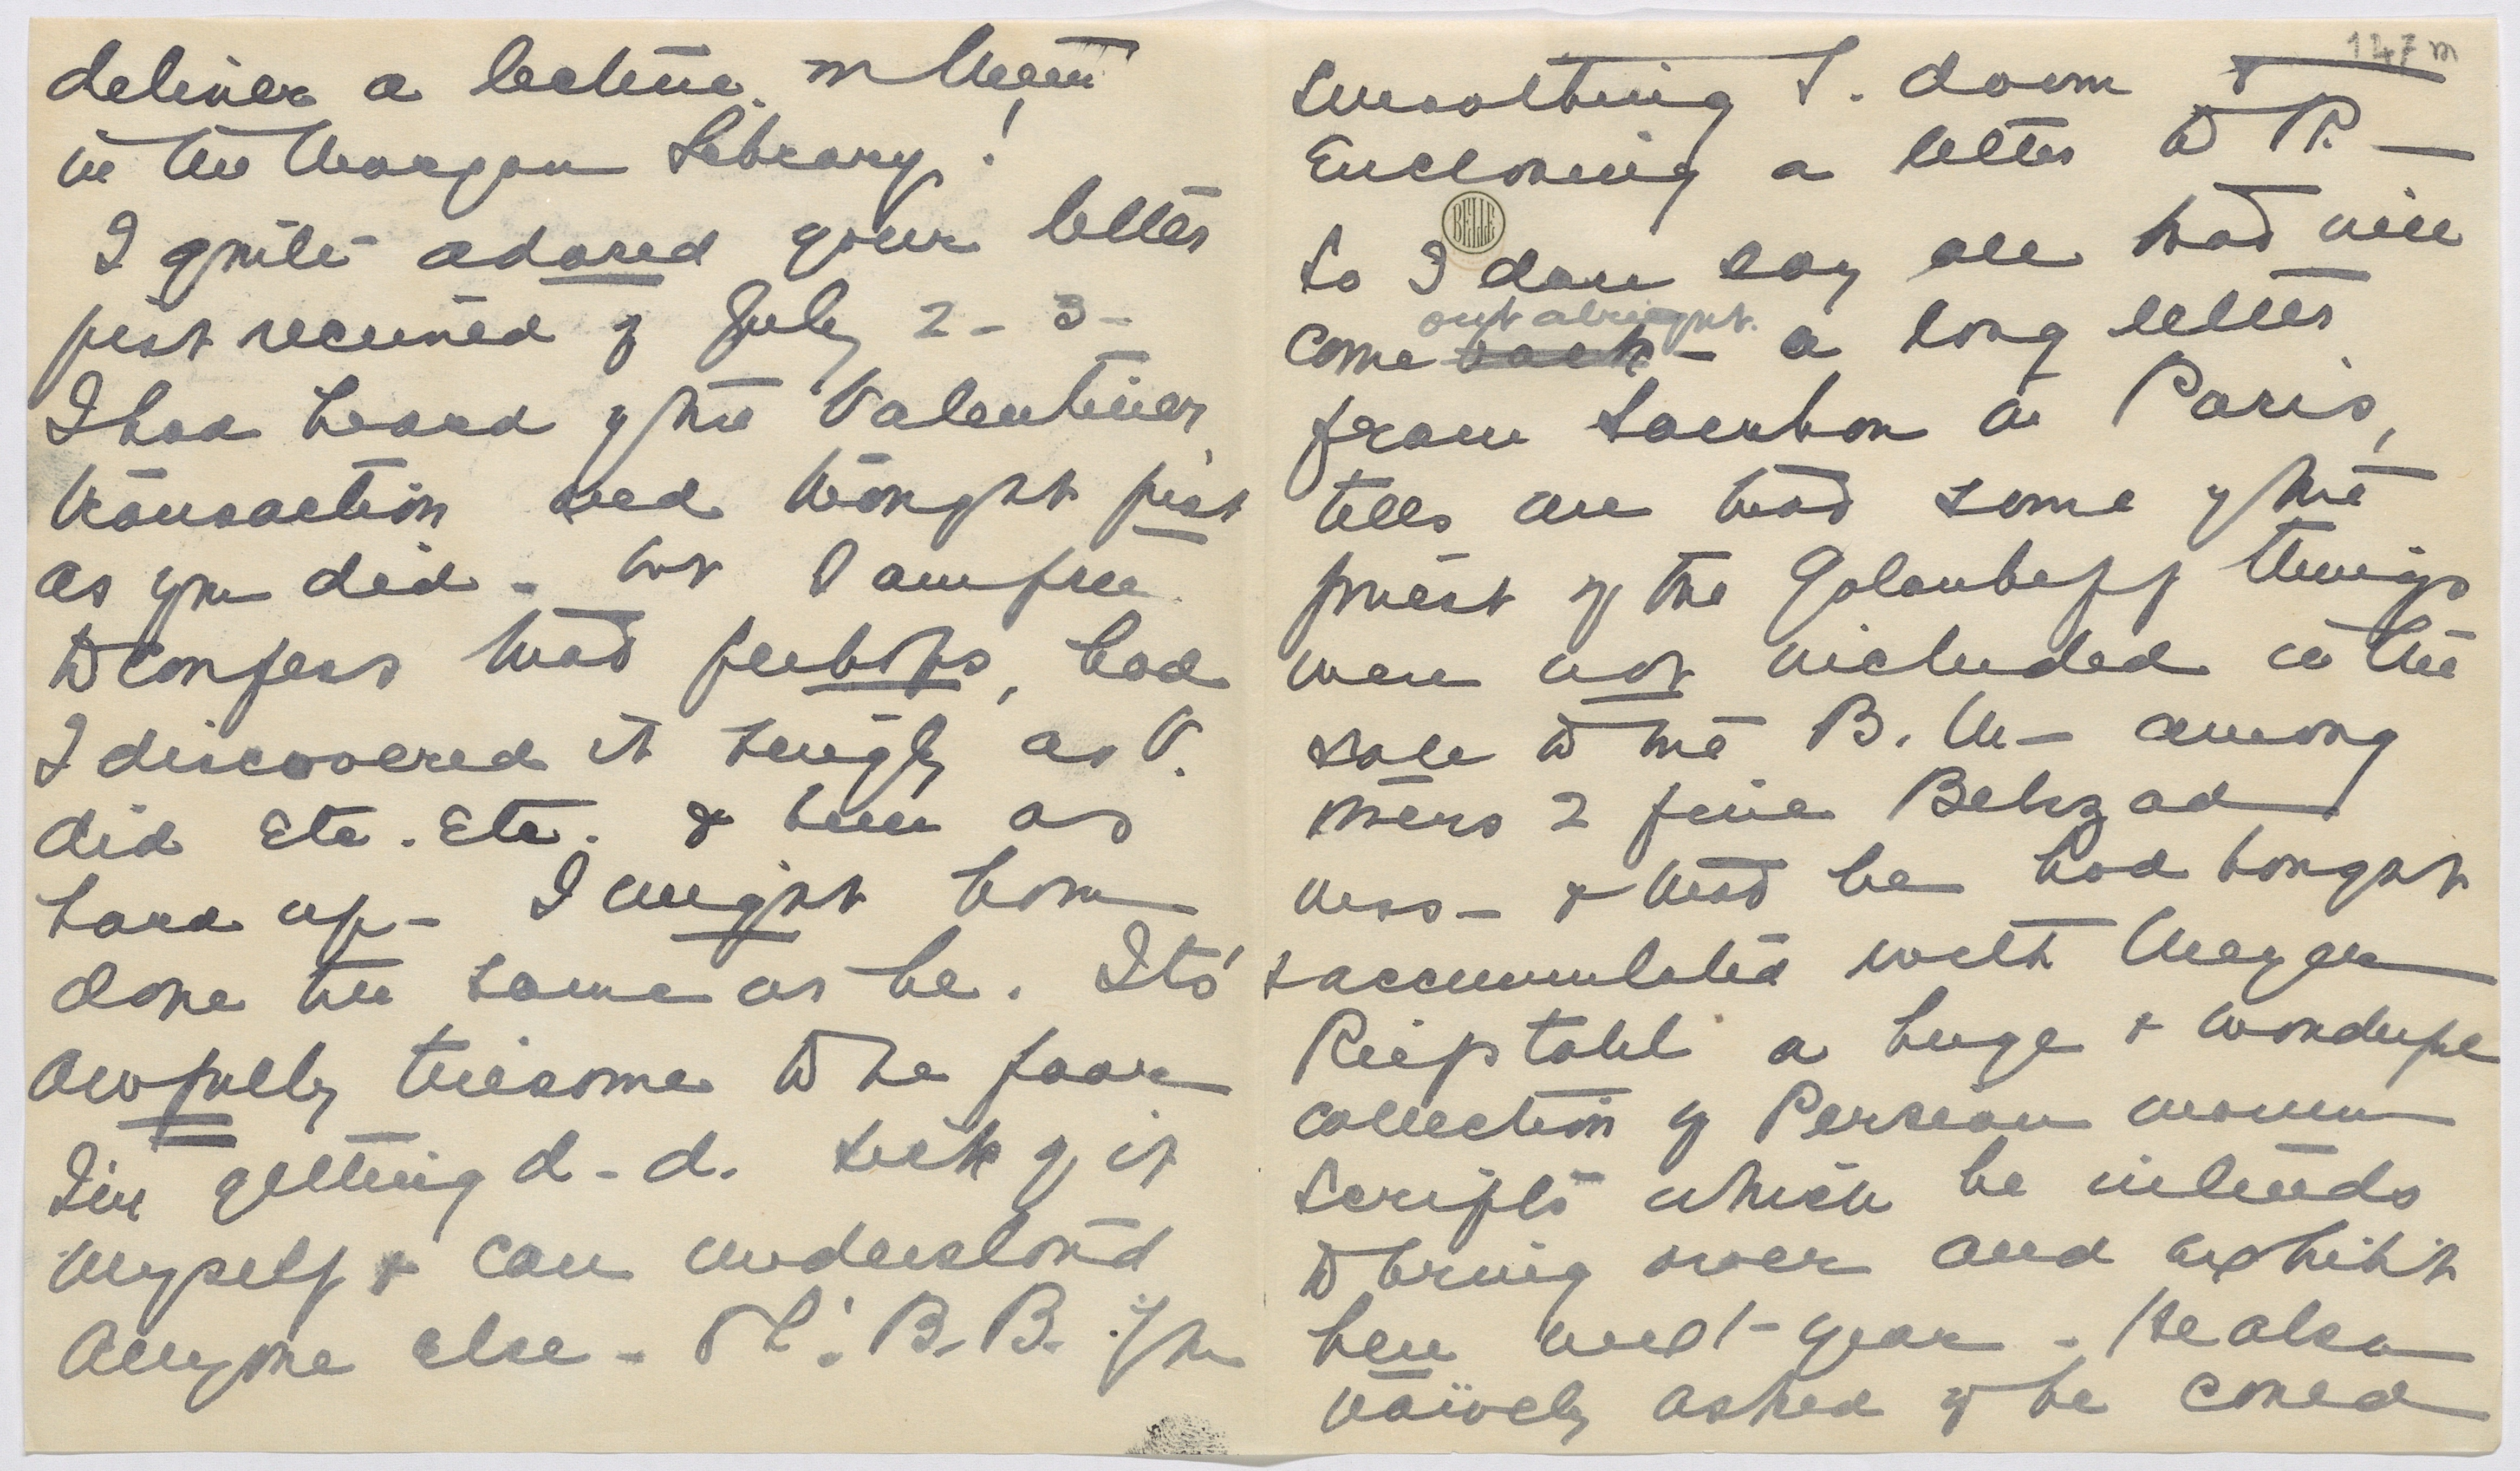smoothing S. down & enclosing a letter to R. – So I dare say all that will come back [ˆout alrightˆ] a long letter from Sambon in Paris, tells me that some of the finest of the Goloubeff things were not included in the sale to the B. M – among others 2 fine Behzad MSS – & that he had bought & accumulated with Meyer Riefstahl a huge & wonderful collection of Persian manuscripts which he intends to bring over and exhibit here next year. He also naïvely asked if he could
deliver a lecture on them in the Morgan Library!
I quite adored your letter last received of July 2–3 – I had heard of the Valentiner transaction and thought just as your did – but I am free to confess that perhaps, had I discovered it singly as V. did etc. etc. & been as hard up – I might have done the same as he. It’s [double underlined: awfully] tiresome to be poor I’m getting d___d. sick of it myself & can understand anyone else – Oh! B.B. you